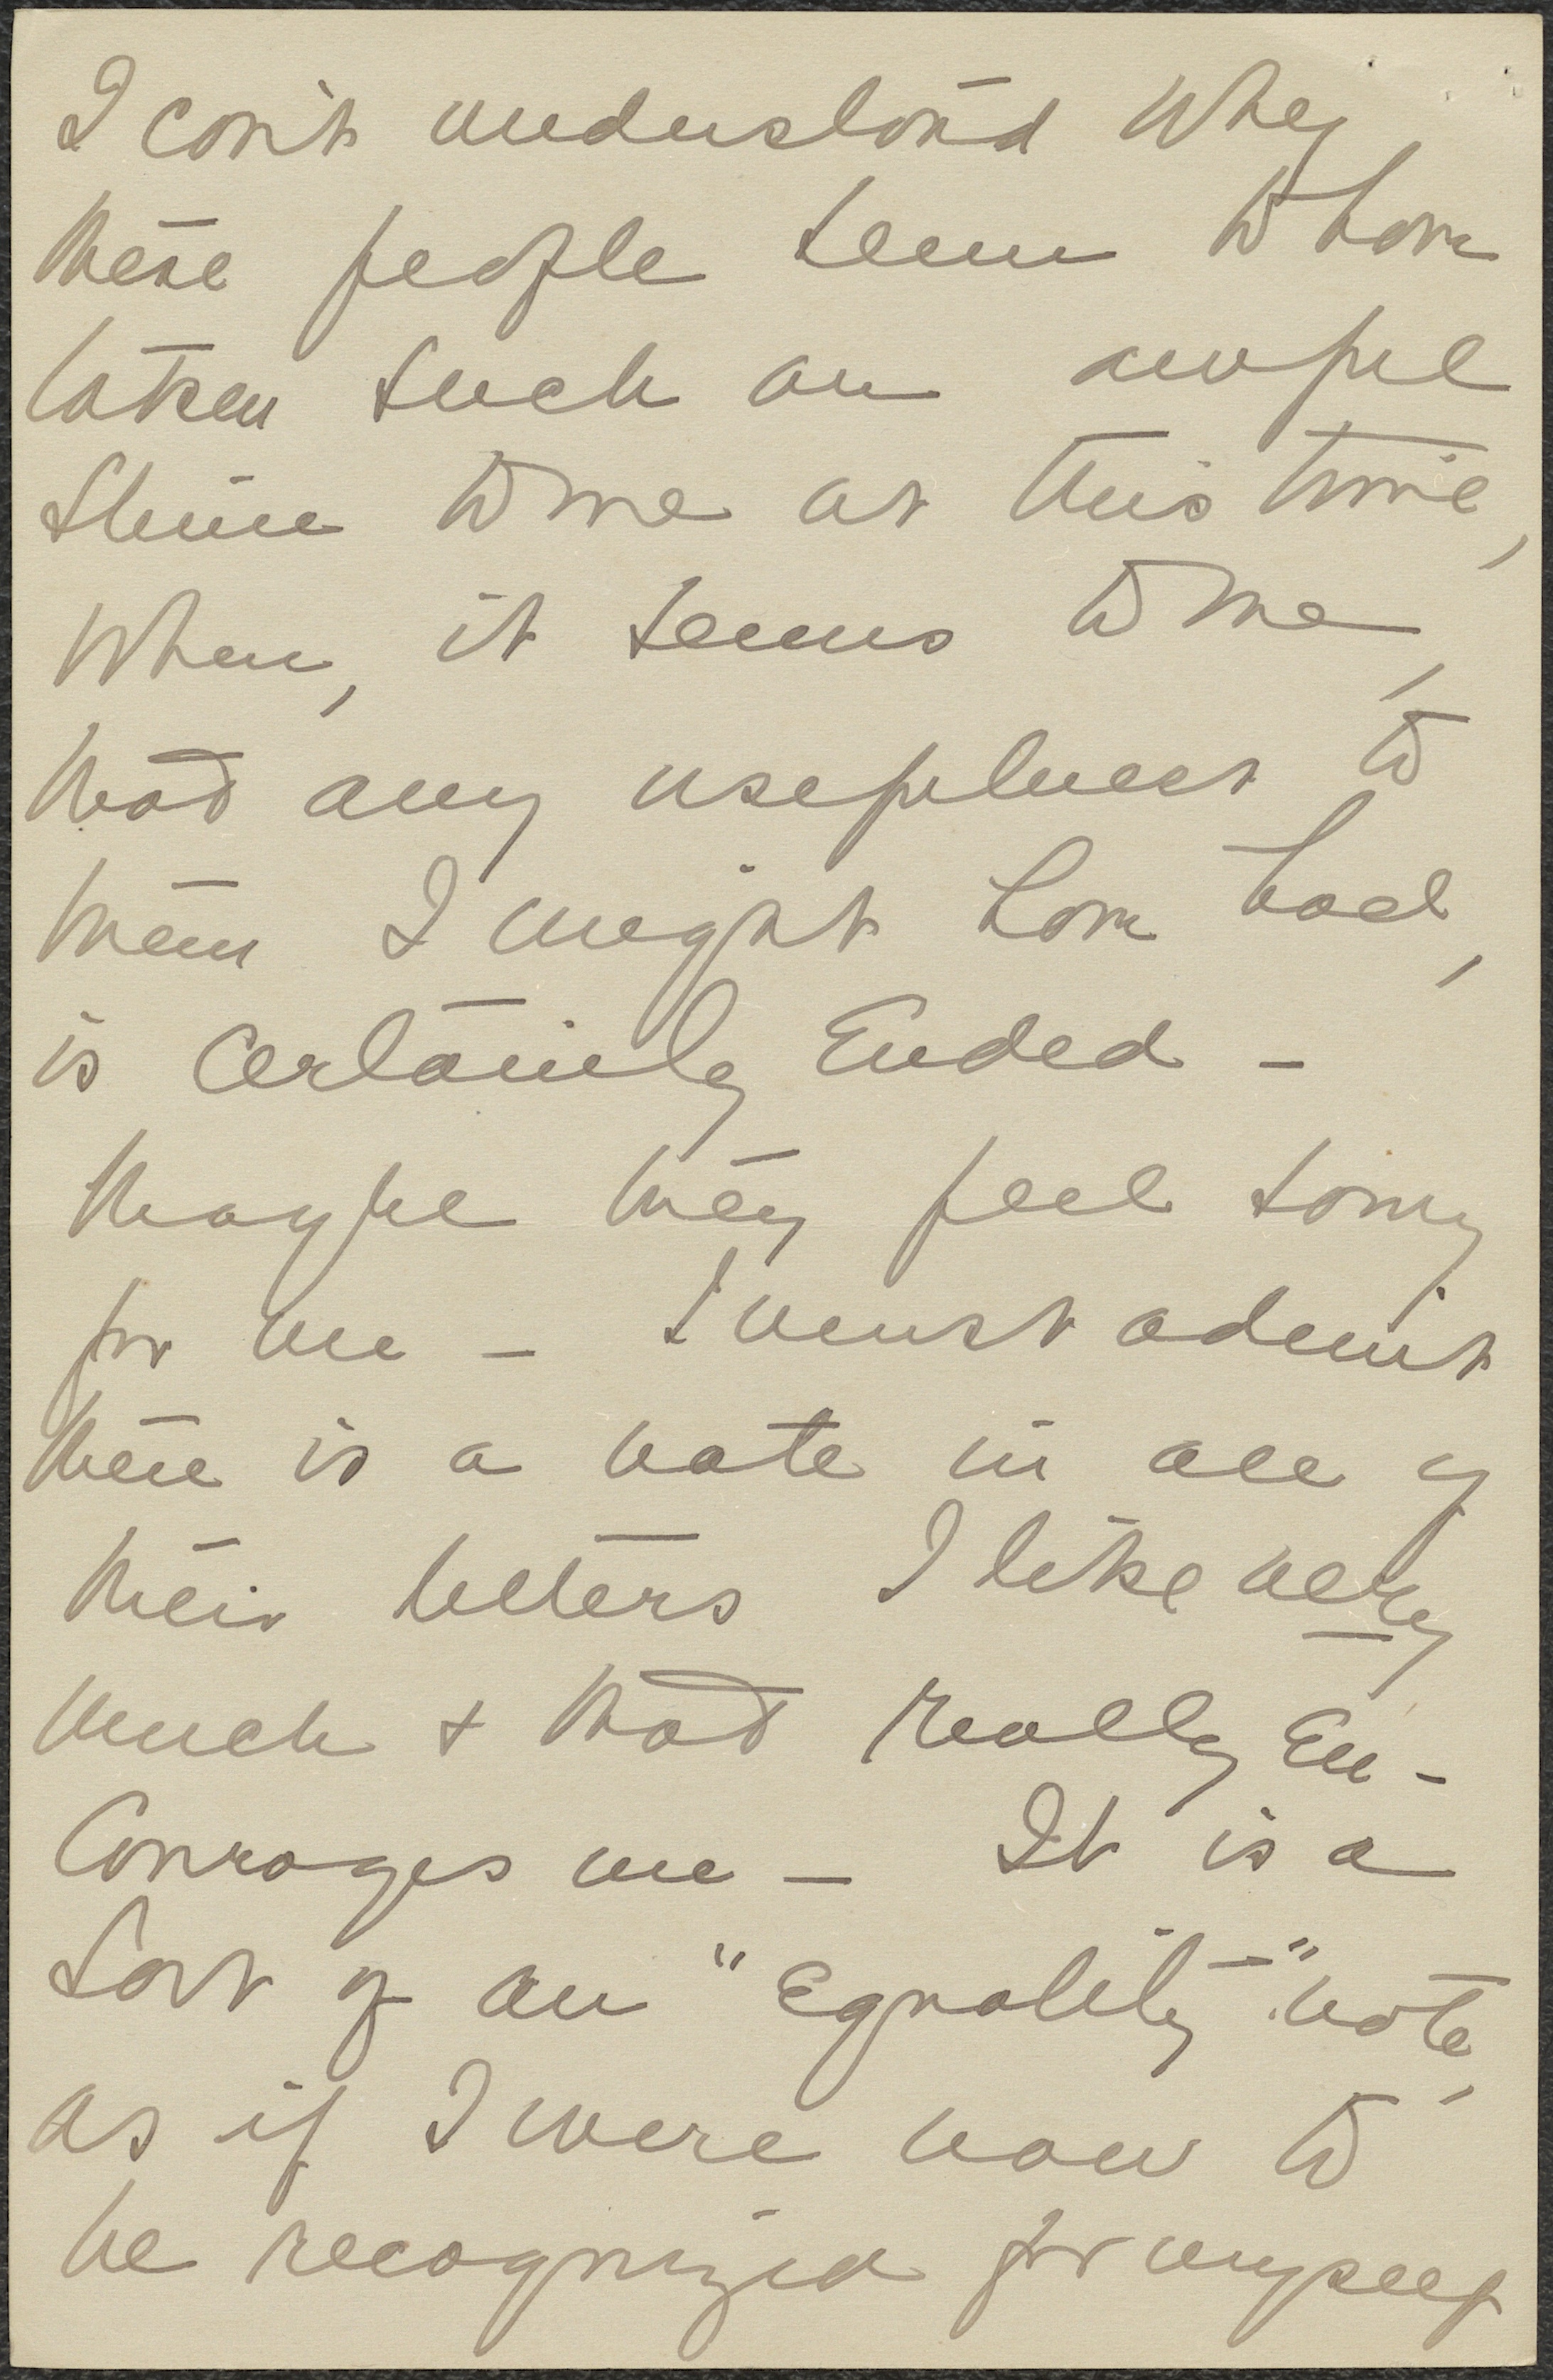I can’t understand why these people seem to have taken such an awful stance to me at this time, when, it seems to me, that any usefulness to them I might have had, is certainly ended –
Maybe they feel sorry for me – I must admit there is a note in all of their letters I like very much & that really encourages me – It is a sort of an “equality” note, as if I were now to be recognized for myself